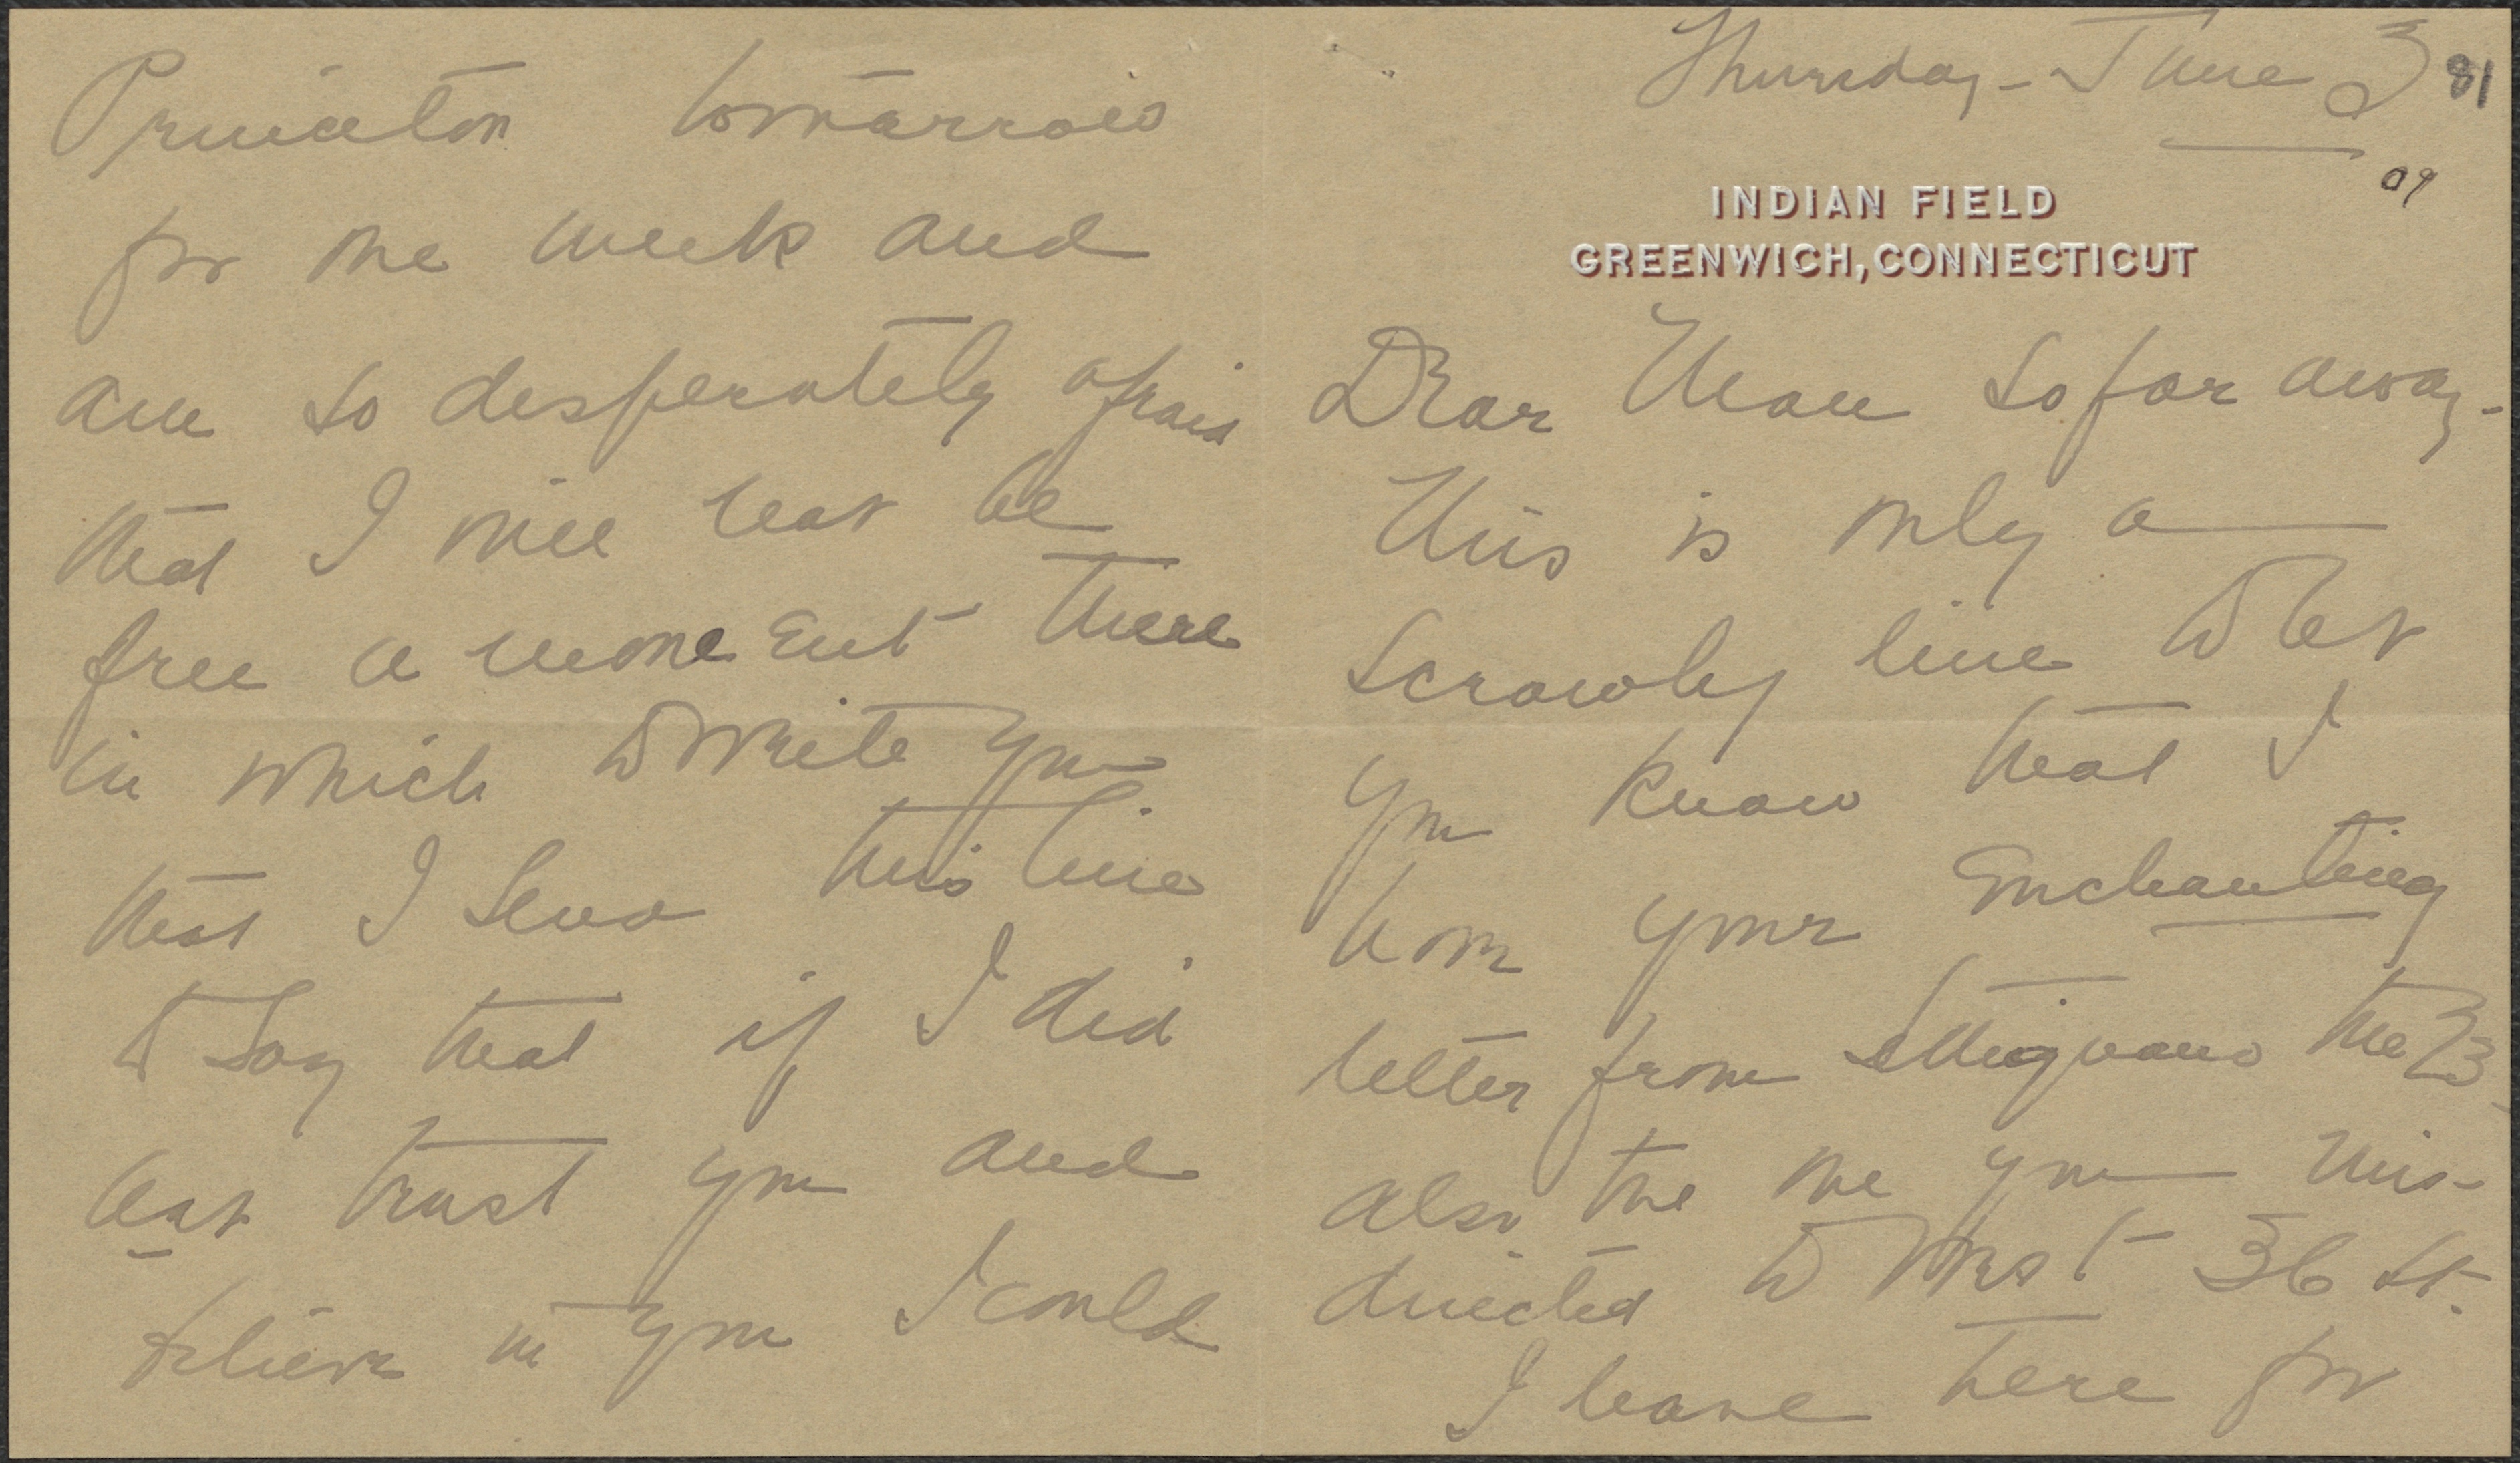Thursday – June 3
Dear Man so far away –
This is only a scrawly line to let you know that I have your enchanting letter from Settignano the 23 – also the one you misdirected to West 36 St.
I leave here for
Princeton tomorrow for the week and am so desperately afraid that I will not be free a moment there in which to write you that I send this line to say that if I did not trust you and believe in you I could